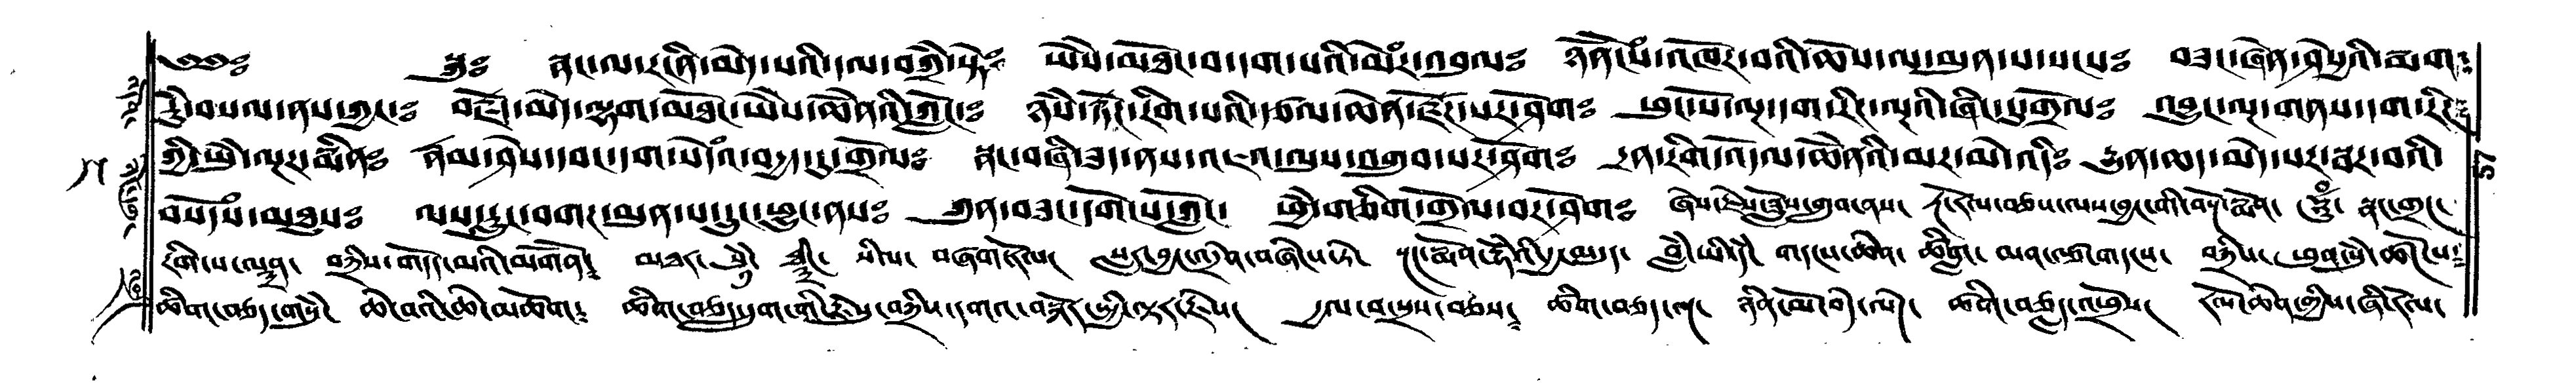སྐུ༔ སྣང་ལ་རང་བཞིན་མེད་པའི་དལ་བཀྲམ་སྟེ༔ ཡེ་ཤེས་མཐོང་བ་དག་པའི་མར་མེ་འབུལཿ ཉོན་མོངས་འཁོར་བའི་ཆོས་ལ་མུན་པ་སངསཿ བཟང་ཞེན་ཤེས་བྱའི་སྨག་
རུམ་བསལ་ནས་ཀྱངཿ རྗོད་མེད་ལྷག་མཐོང་ཡེ་ཤེས་ཆེན་པོའི་ཀློངཿ ཉམས་རྟོགས་རིག་པའི་རྩལ་ཆེན་རྫོགས་པར་ཤོགཿ ཕུང་པོ་ལྔ་དག་རིགས་ལྔའི་ཞིང་དུ་གྲོལཿ འབྱུང་ལྔ་གནས་དག་རིགས་
ཀྱི་ཡུམ་ལྔར་སྨིནཿ རྣམ་ཤེས་དབང་དག་སེམས་དཔའ་བརྒྱད་དུ་གྲོལཿ སྣང་བཞི་ཟད་ནས་འཇའ་ལུས་འགྲུབ་པར་ཤོགཿ དྲན་རིག་འོད་གསལ་ཆེན་པོའི་མར་མེ་འདིཿ རྒྱུན་ཆད་མེད་པར་སྦར་བའི་
བསོད་ནམས་མཐུསཿ ལས་རླུང་བག་ཆགས་མུན་པ་དྲུང་ཕྱུངས་ནསཿ ཀུན་བཟང་དགོངས་ཀློང་ཕྱམ་གཅིག་གྲོལ་བར་ཤོགཿ ཞེས་རྗེས་ཟློས་གྲུབ་ནས། རྔ་རོལ་བཅས་ལས་བྱང་གི་བསྔོ་སྨོན། ཧཱུྃཿ སྣང་གྲགས་
རིག་པ༴ ལན་གསུམ། བཀྲ་ཤིས། གདོད་མའི་མགོན་པོ༴ མཐར། སུམ་གསུམ། ཐིང་གསུམ། སིལ། བཞག་རོལ། སླར་བྱང་འདྲེན་བཞེངས་ཏེ། སྔགས་སྨོན་རྡོ་རྗེའི་རྒྱ་མདུད། བླ་མ་ཡི་དམ། གདངས་ཆེན། ཚིག་བཞི་མན་རྩ་གདངས། བཀྲ་ཤིས། ཕུན་སུམ་ཚོགས་པ༴ 
ཚིགས་བཅད་གསུམ། ཆེ་བའི་ཆེ་མཆོག༴ ཚིག་བཅད་དྲུག་གི་རྗེས་སུ་བཀྲ་ཤིས་དགའ་བསྐོར་སྤྱི་ལྟར་རྗེས། རྒྱལ་བ་སྲས་བཅས༴ ཚིག་བཅད་ལྔ། ཉིན་མོ་བདེ་ལེགས༴ ཚིག་བཅད་བཞི་འཕྲོས། རོལ་ཆེན་གྱིས་ཞི་རོལ་